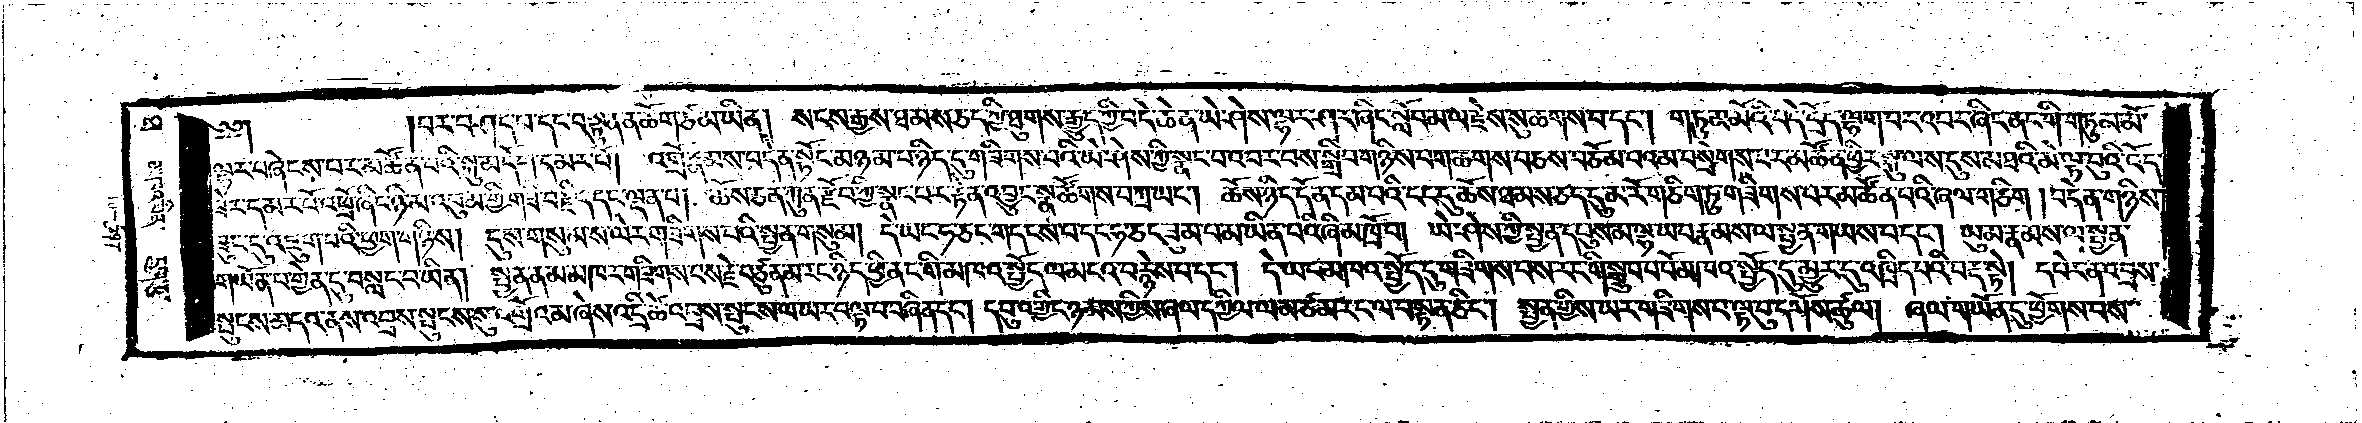༄༅། །པར་བཤད་པ་དང་བསྟུན་ན་ཆོག་ཙམ་ཡིན། །སངས་རྒྱས་ཐམས་ཅད་ཀྱི་ཐུགས་རྒྱུད་ཀྱི་བདེ་ཆེན་ཡེ་ཤེས་ལྷར་ཤར་ཞིང་སློབ་མ་ལ་རྗེས་སུ་ཆགས་པ་དང་། གཏུམ་མོའི་བདེ་དྲོད་ལྷག་པར་འབར་ཞིང་ནང་གི་གཏུམ་མོ་
ལྷར་བཞེངས་པར་མཚོན་པའི་སྐུ་མདོག་དམར་པོ། འགྲོ་རྣམས་བདེན་སྟོང་མཉམ་པ་ཉིད་དུ་གཟིགས་པའི་ཡེ་ཤེས་ཀྱི་སྣང་བ་འབར་བས་སྒྲིབ་གཉིས་བག་ཆགས་བཅས་བཅོམ་པའམ་བསྲེགས་པར་མཚོན་ཕྱིར་སྐུ་ལས་དུས་མཐའི་མེ་ལྟ་བུའི་འོད་
ཟེར་དམར་པོ་འཕྲོ་ཞིང་ཉི་མ་འབུམ་གྱི་གཟི་བརྗིད་དང་ལྡན་པ། ཆོས་ཅན་ཀུན་རྫོབ་ཀྱི་སྣང་བར་རྟེན་འབྱུང་སྣ་ཚོགས་བཀྲ་ཡང་། ཆོས་ཉིད་དོན་དམ་པའི་དང་དུ་ཆོས་ཐམས་ཅད་དུ་མ་རོ་གཅིག་ཏུ་གཟིགས་པར་མཚོན་པའི་ཞལ་གཅིག །བདེན་གཉིས་
ཟུང་དུ་འཇུག་པའི་ཕྱག་གཉིས། དུས་གསུམ་ས་ལེར་གཟིགས་པའི་སྤྱན་གསུམ། དེ་ཡང་ཧ་ཅང་གདངས་པ་དང་ཧ་ཅང་ཟུམ་པ་མ་ཡིན་པའི་ཞི་མ་ཁྲོ་པ། ཡེ་ཤེས་ཀྱི་སྤྱན་དབུས་མ་ལྷ་ཡབ་རྣམས་ལ་སྤྱན་གཡས་པ་དང་། ཡུམ་རྣམས་ལ་སྤྱན་
གཡོན་པ་གྱེན་དུ་བསླང་བ་ཡིན། སྤྱན་ནམ་མཁར་གཟིགས་པས་རྗེ་བཙུན་མ་རང་ཉིད་ཕྱི་ནང་གི་མཁའ་སྤྱོད་ལ་མངའ་བརྙེས་པ་དང་། དེ་ཡང་མཁའ་སྤྱོད་དུ་གཟིགས་པས་རང་གི་སྒྲུབ་པ་པོ་མཁའ་སྤྱོད་དུ་མྱུར་དུ་འཁྲིད་པའི་བརྡ་སྟེ། དཔེར་ན་འབྲས་
སྤུངས་མདའ་ནས་འབྲས་སྤུངས་སུ་འགྲོའམ་ཞེས་འདྲི་ཚེ་འབྲས་སྤུངས་ལ་ཡང་བལྟ་བ་བཞིན་དང་། དབུ་འགྱིང་ཉམས་ཀྱིས་ཞལ་དཀྱིལ་ལམ་ཙམ་རང་ལ་བསྟན་ཅིང་། སྤྱན་གྱིས་ཡར་གཟིགས་པ་ལྟ་བུ་དགོས་ཚུལ། །ཞལ་གཡོན་དུ་ཕྱོགས་པས་